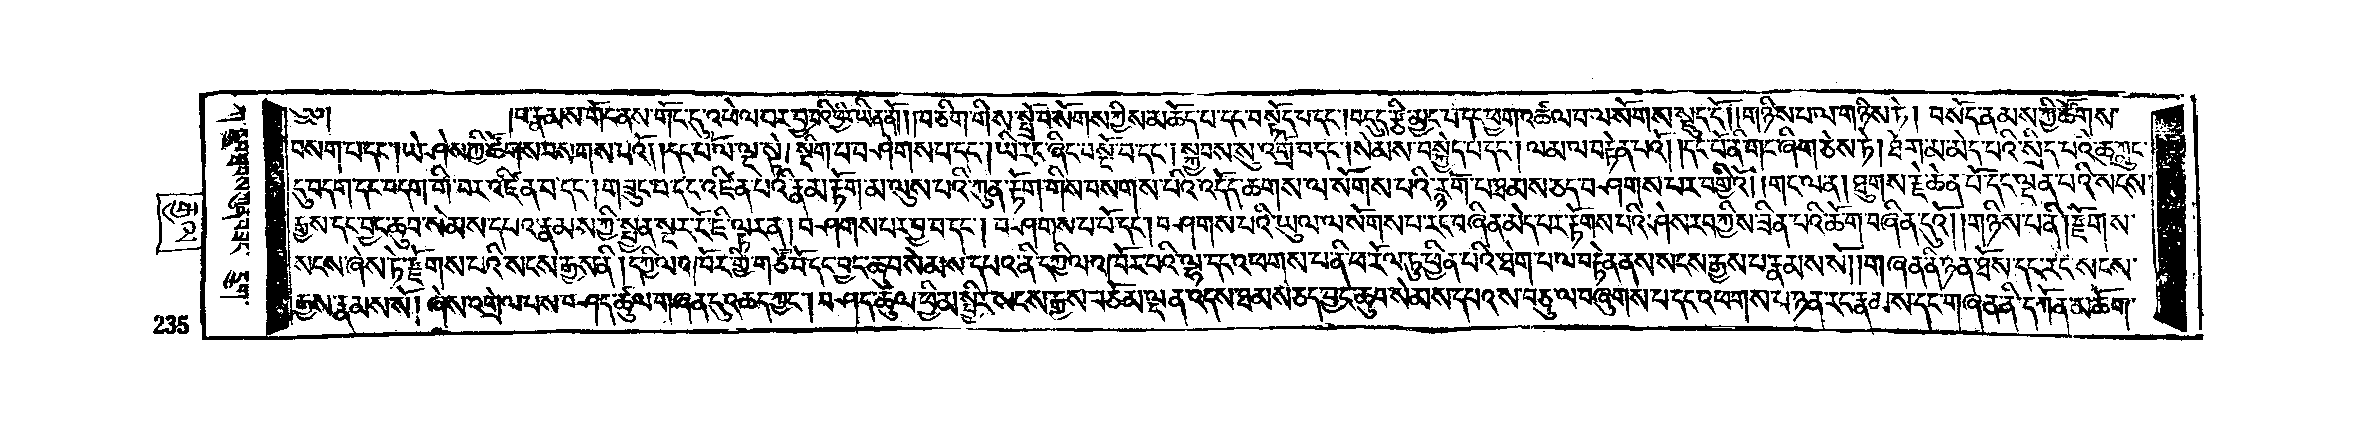༄༅། །བ་རྣམས་གོང་ནས་གོང་དུ་འཕེལ་བར་བྱ་བའི་ཕྱིར་ཡིན་ནོ། ཁ་ཅིག་གིས་སྤྲོ་བ་སོགས་ཀྱིས་མཆོད་པ་དང་བསྟོད་པ་དང་། བདུད་རྩི་མྱང་བ་དང་ཕྱག་འཚལ་བ་ལ་སོགས་སྡུད་དོ། །གཉིས་པ་ལ་གཉིས་ཏེ། བསོད་ནམས་ཀྱི་ཚོགས་
བསག་པ་དང་། ཡེ་ཤེས་ཀྱི་ཚོགས་བསགས་པའོ། །དང་པོ་ལ་ལྔ་སྟེ། སྡིག་པ་བཤགས་པ་དང་། ཡི་རང་ཞིང་པ་སྔོ་བ་དང་། སྐྱབས་སུ་འགྲོ་བ་དང་། སེམས་བསྐྱེད་པ་དང་། ལམ་ལ་བརྟེན་པའོ། །དང་པོ་ནི་གང་ཞིག་ཅེས་ཏེ། ཐོག་མ་མེད་པའི་སྲིད་པའི་ཆུ་ཀླུང་
དུ་བདག་དང་བདག་གི་བར་འཛིན་པ་དང་། གཟུང་བ་དང་འཛིན་པའི་རྣམ་རྟོག་མ་ལུས་པའི་ཀུན་རྟོག་གིས་བསགས་པའི་འདོད་ཆགས་ལ་སོགས་པའི་རྙོག་པ་ཐམས་ཅད་བཤགས་པར་བགྱིའོ། །གང་ལ་ན། ཐུགས་རྗེ་ཆེན་པོ་དང་ལྡན་པའི་སངས་
རྒྱས་དང་བྱང་ཆུབ་སེམས་དཔའ་རྣམས་ཀྱི་སྤྱན་སྔར་རོ་ཇི་ལྟར་ན། བཤགས་པར་བྱ་བ་དང་། བཤགས་པ་པོ་དང་། བཤགས་པའི་ཡུལ་ལ་སོགས་པ་རང་བཞིན་མེད་པར་རྟོགས་པའི་ཤེས་རབ་ཀྱིས་ཟིན་པའི་ཆོ་ག་བཞིན་དུའོ། །གཉིས་པ་ནི། རྫོགས་
སངས་ཞེས་ཏེ་རྫོགས་པའི་སངས་རྒྱས་ནི། དཀྱིལ་འཁོར་གྱི་གཙོ་བོ་དང་བྱང་ཆུབ་སེམས་དཔའ་ནི་དཀྱིལ་འཁོར་པའི་ལྷ་དང་འཕགས་པ་ནི་ཕ་རོལ་ཏུ་ཕྱི་པའི་ཐེག་པ་ལ་བརྟེན་ནས་སངས་རྒྱས་པ་རྣམས་སོ། །གཞན་ནི་ཉན་ཐོས་དང་རང་སངས་
རྒྱས་རྣམས་སོ། ཞེས་འགྲེལ་པས་བཤད་ཚུལ་གཞན་དུ་འཆད་ཀྱང་། བཤད་ཚུལ་ཕྱི་མ་སྤྱིར་སངས་རྒྱས་བཅོམ་ལྡན་འདས་ཐམས་ཅད་བྱང་ཆུབ་སེམས་དཔའ་ས་བཅུ་ལ་བཞུགས་པ་དང་འཕགས་པ་ཉན་རང་རྣམས་དང་གཞན་ནི་དཀོན་མཆོག་